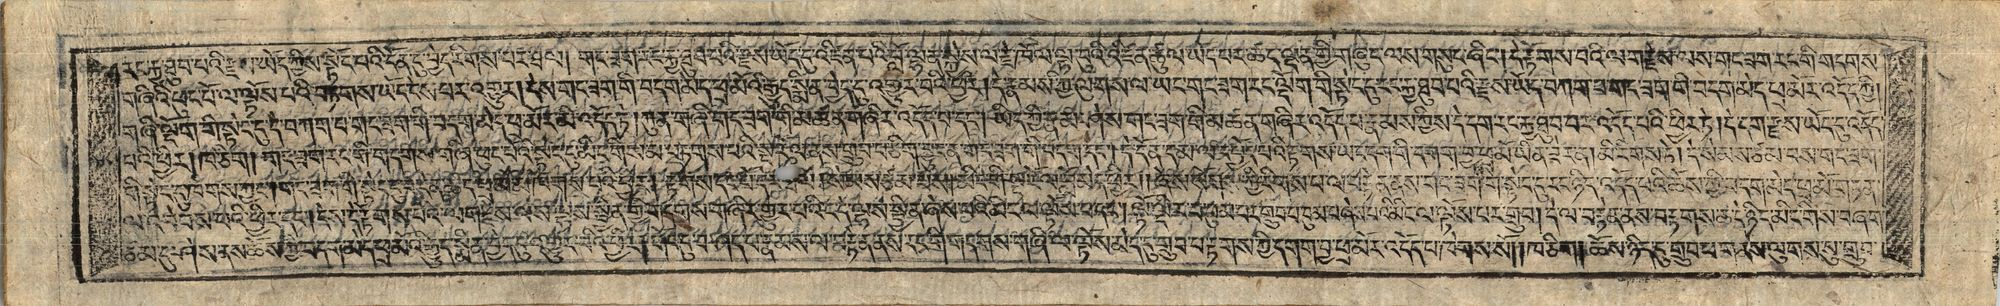རང་རྐྱ་ཐུབ་པའི་རྫས་ཡོད་ཀྱིས་སྟོང་པའི་དོན་དུ་བྱེད་རིགས་པར་ཐལ། གང་ཟག་རང་རྐྱ་ཐུབ་པའི་རྫས་ཡོད་དུ་འཛིན་པའི་བློ་ལྷན་སྐྱེས་ལ་རྗེ་ཁོལླྟ་བུའི་འཛིན་ཚུལ་ཡོད་པར་ཚད་ལྡན་གྱི་གཟུང་ལས་གསུང་ཞིང་། དེ་རྟོགས་པའི་ལག་རྗེས་ལས་གང་ཟག་རང་གི་གདགས་
གཞིའི་ཕུང་པོ་ལ་ལྟོས་པའི་བཏགས་ཡོད་ངེས་པར་འགྱུར། དེས་གང་ཟག་གི་བདག་མེད་ཕྲ་མོའི་རྒྱུད་སྨིན་བྱེད་དུ་འགྱུར་བའི་ཕྱིར། དེ་རྣམས་ཀྱི་ལུགས་ལ་ཡང་གང་ཟག་རང་ལྡོག་གི་སྟེང་དུ་རང་རྐྱ་ཐུབ་པའི་རྫས་ཡོད་བཀག་པ་གང་ཟག་གི་བདག་མེད་ཕྲ་མོར་འདོད་ཀྱི།
གཞི་ལྡོག་གི་སྟེང་དུ་དེ་བཀག་པ་གང་ཟག་གི་བདག་མེད་ཕྲ་མོར་མི་འདོད་ཏེ། ཀུན་གཞི་གང་ཟག་གི་མཚན་གཞིར་འདོད་པ་དང་། ཡིད་ཀྱི་རྣམ་ཤེས་གང་ཟག་གི་མཚན་གཞིར་འདོད་པ་རྣམས་ཀྱིས་དེ་དག་རང་རྐྱ་ཐུབ་པར་འདོད་པའི་ཕྱིར་ཏེ། དེ་དག་རྫས་ཡོད་དུ་འདོད་
པའི་ཕྱིར། ཁ་ཅིག ། གང་ཟག་རང་གི་གདགས་གཞི་ཕུང་པོའི་སྟེང་དུ་མིང་གིས་མ་བཏགས་པའི་སྔ་རོལ་ནས་གྲུབ་པ་ཅིག་བྱུང་ན་གང་ཟག་གི་བདག་དང་། དེ་དོན་དམ་ལ་དཔྱོད་པའི་རྟགས་ཡང་དག་གི་དགག་བྱ་ཕྲ་མོ་ཡིན་ཟེར་ན། མི་རིགས་ཏེ། དེ་སེམས་ཙམ་པས་གང་ཟག་
གི་སྟེང་དུ་ཁེགས་ཀྱང་། གང་ཟག་གི་སྟེང་དུ་བ་དེནྪད་ཕྲ་མོ་མ་ཁེགས་པའི་ཕྱིར། རྟགས་དང་པོ་དེར་ཐལ། །སེམས་ཙམ་པས། མིང་གི་སྔ་རོལ་བློ་མེད་ཕྱིར། །ཞེས་སོགས་ཀྱི་རིགས་པ་ལ་བརྟེན་ནས་གང་ཟག་གི་སྟེང་དུ་རང་ཉིད་འདོད་པའི་ཆོས་ཀྱི་བདག་མེད་ཕྲ་མོ་གཏན་
ལ་འབེབས་པའི་ཕྱིར་དང་། དེས་དེ་རྟོགས་པའི་ལག་རྗེས་ལས་ལྷས་སྦྱིན་གྱི་གདགས་གཞིར་གྱུར་པའི་ང་དེ་ལྷས་སྦྱིན་ཞེས་པའི་མིང་ལ་ལྟོས་པ་དང་། ལྟོ་ལྡིར་བ་བུམ་པར་གྲུབ་པ་བུམ་པ་ཞེས་པའི་མིང་ལ་ལྟོས་པར་གྲུབ། དེ་ལ་བརྟེན་ནས་བརྟགས་ཆ་དེ་ཉིད་མིང་གིས་བཞག་
ཙམ་དུ་ཤེས་ནས་ཆོས་ཀྱི་བདག་མེད་ཕྲ་མོའི་རྒྱུད་སྨིན་བྱེད་དུ་འགྱུར་བའི་ཕྱིར། གོང་དུ་བཤད་པ་རྣམས་ལ་བརྟེན་ནས་རང་གི་གདགས་གཞི་ལ་ལྟོས་མེད་དུ་གྲུབ་པ་རྟགས་ཀྱི་དགག་བྱ་ཕྲ་མོར་འདོད་པ་ཁེགས་སོ། །ཁ་ཅིག །ཆོས་ཉིད་དུ་གྲུབ་པ་གནས་ལུགས་སུ་གྲུབ་